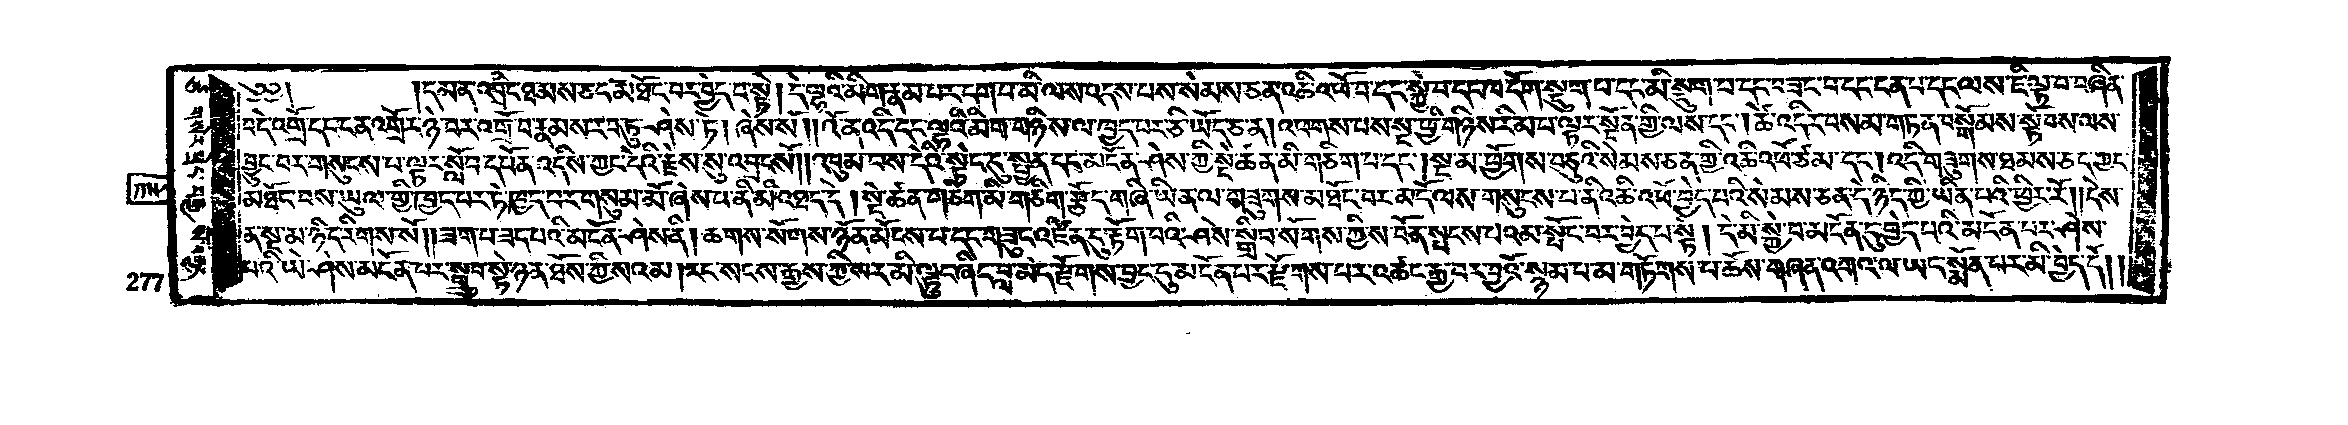༄༅། །དམན་འབྲིང་ཐམས་ཅད་མཐོང་བར་བྱེད་པ་སྟེ། དེ་ལྷའི་མིག་རྣམ་པར་དག་པ་མི་ལས་འདས་པས་སེམས་ཅན་འཆི་འཕོ་བ་དང་སྐྱེ་བ་དང་ཁ་དོག་སྡུག་པ་དང་མི་སྡུག་པ་དང་བཟང་བ་དང་ངན་པ་དང་ལས་ཇི་ལྟ་བ་བཞིན་
བདེ་འགྲོ་དང་ངན་འགྲོར་ཉེ་བར་འགྲོ་བ་རྣམས་རབ་ཏུ་ཤེས་ཏེ། ཞེས་སོ། །འོ་ན་འདི་དང་ལྷའི་མིག་གཉིས་ལ་ཁྱད་པར་ཅི་ཡོད་ཅེ་ན། འཕགས་པས་སྔ་ཕྱི་གཉིས་རིམ་པ་ལྟར་སྔོན་གྱི་ལས་དང་། ཚེ་འདིར་བསམ་གཏན་བསྒོམས་སྟོབས་ལས་
བྱུང་བར་གསུངས་པ་ལྟར་སློབ་དཔོན་འདིས་ཀྱང་དེའི་རྗེས་སུ་འབྲངས་སོ། །འབུམ་པས་དེའི་སྟེང་དུ་སྤྱན་དང་མངོན་ཤེས་ཀྱི་སྡེ་ཚན་མི་གཅིག་པ་དང་། སྔ་མ་ཕྱོགས་བཅུའི་སེམས་ཅན་གྱི་འཆི་འཕོ་ཙམ་དང་། འདི་གཟུགས་ཐམས་ཅད་ཀྱང་
མཐོང་བས་ཡུལ་གྱི་ཁྱད་པར་ཏེ་ཁྱད་པར་གསུམ་མོ་ཞེས་པ་ནི་མི་འཐད་དེ། སྡེ་ཚན་གཅིག་མི་གཅིག་རྩོད་གཞི་ཡན་ལག་གཟུགས་མཐོང་བར་མདོ་ལས་གསུངས་པ་ནི་འཆི་འཕོ་བྱེད་པའི་སེམས་ཅན་དེ་ཉིད་ཀྱི་ཡིན་པའི་ཕྱིར་རོ། །དེས་
ན་སྔ་མ་ཉིད་རིགས་སོ། །ཟག་པ་ཟད་པའི་མངོན་ཤེས་ནི། ཆགས་སོགས་ཉོན་མོངས་པ་དང་གཟུང་འཛིན་དུ་རྟོག་པའི་ཤས་སྒྲིབ་སོགས་ཀྱི་ས་བོན་སྤངས་པའམ་སྤོང་བར་བྱེད་པ་སྟེ། དེ་མི་སྐྱེ་བ་མངོན་དུ་བྱེད་པའི་མངོན་པར་ཤེས་
པའི་ཡེ་ཤེས་མངོན་པར་སྒྲུབ་སྟེ་ཉན་ཐོས་ཀྱི་སའམ། རང་སངས་རྒྱས་ཀྱི་སར་མི་ལྟུང་ཞིང་བླ་མེད་རྫོགས་བྱང་དུ་མངོན་པར་རྫོགས་པར་འཚང་རྒྱ་བར་བྱའོ་སྙམ་པ་མ་གཏོགས་པ་ཆོས་གཞན་འགའ་ལ་ཡང་སྨོན་པར་མི་བྱེད་དོ། །